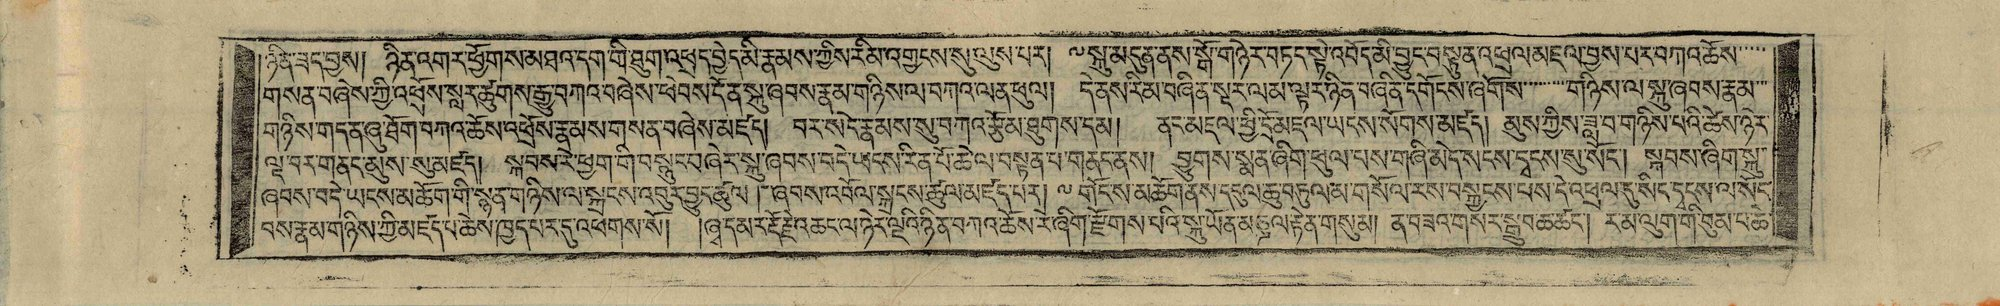ཉིན་ཟད་བྱས། ཉིན་འགར་ཕྱོགས་མཐའ་དག་གི་ཐུག་འཕྲད་བྱེད་མི་རྣམས་ཀྱིས་རིམ་འགྱངས་སུ་ལུས་པར། ༧སྐུ་མདུན་ནས་སྒོ་གཉེར་བཏང་སྟེ་འབོད་མི་བྱུང་བསྟུན་འཕྲལ་མཇལ་བྱས་པར་བཀའ་ཆོས་
གསན་བཞེས་ཀྱི་འཕྲོས་སླར་ཚུགས་རྒྱུ་བཀའ་བཞེས་ཕེབས་དོན་སྐུ་ཞབས་རྣམ་གཉིས་ལ་བཀའ་ལན་ཕུལ། དེ་ནས་རིམ་བཞིན་སྔར་ལམ་ལྟར་ཉིན་བཞིན་དགོངས་ཞོགས་གཉིས་ལ་སྐུ་ཞབས་རྣམ་
གཉིས་གདན་ཞུ་ཐོག་བཀའ་ཆོས་འཕྲོས་རྣམས་གསན་བཞེས་མཛད། བར་སེང་རྣམས་སུ་བཀའ་རྩོམ་ཐུགས་དམ། ནང་མཇལ་ཕྱི་དྲོ་མཇལ་ཡངས་སོགས་མཛད། མུས་ཀྱིས་ཟླ་བ་གཉིས་པའི་ཚེས་ཉེར་
ལྔ་བར་གནང་མུས་སུ་མཛད། སྐབས་རེ་ཕྱག་གི་བསྙུང་བཞེར་སྐུ་ཞབས་བདེ་ཡངས་རིན་པོ་ཆེ་ལ་བསྟན་པ་གནང་ནས། བྱུགས་སྨན་ཞིག་ཕུལ་པས་གཞི་མེད་སངས་དྭངས་སུ་སོང་། སྐབས་ཞིག་སྐུ་
ཞབས་བདེ་ཡངས་མཆོག་གི་སྙན་གཉིས་ལ་སྐྲངས་འབུར་བྱུང་ཚུལ། ཞབས་འབོལ་སྐྲངས་ཚུལ་མཛད་པར། ༧་གོང་ས་མཆོག་ནས་དངུལ་ཆུ་བཏུལ་མ་གསོལ་རས་བསྐྱངས་པས་དེ་འཕྲལ་དུ་ལིང་དྭངས་ལ་སོངས་
བས་རྣམ་གཉིས་ཀྱི་མཛད་པ་ཆེས་ཁྱད་པར་དུ་འཕགས་སོ། །ཞྭ་དམར་རྡོ་རྗེ་འཆང་ལ་ཉེར་ལྔའི་ཉིན་བཀའ་ཆོས་རེ་ཞིག་རྫོགས་པའི་སྐུ་ཡོན་མཎྜལ་རྟེན་གསུམ། ན་བཟའ་གསར་སྒྲུབ་ཆ་ཚང་། ར་མ་ལུག་གི་བུམ་པ་ཆེ་